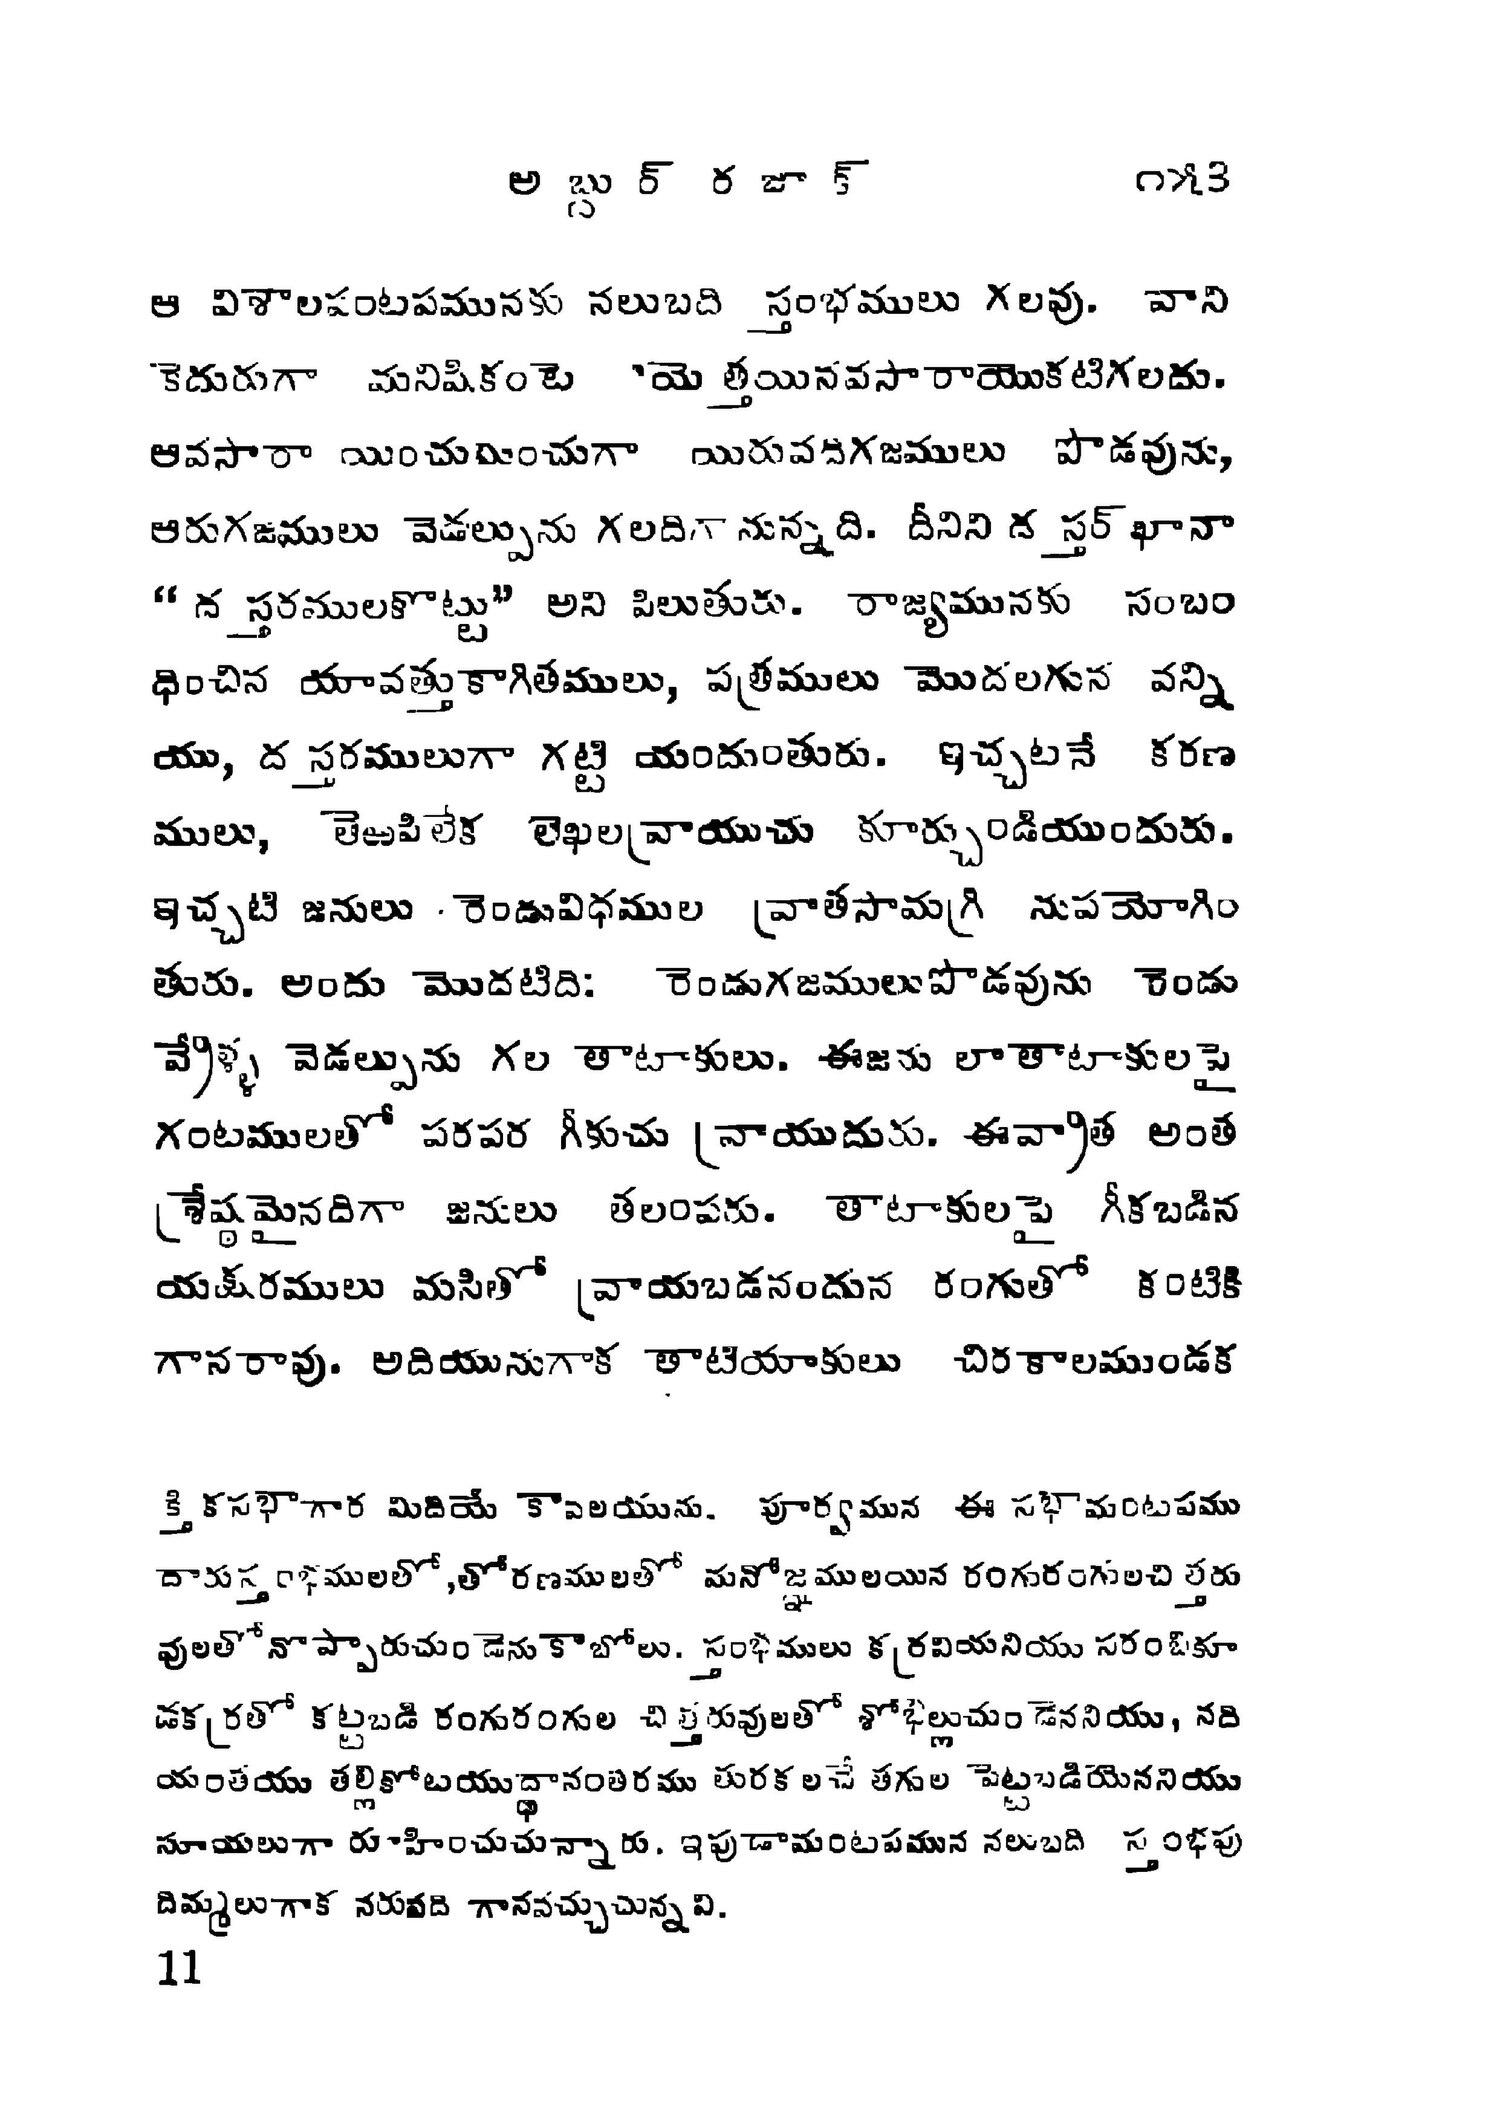ఆ విశాలమంటపమునకు నలుబది స్తంభములు గలవు. వాని కెదురుగా మనిషికంటె యెత్తయిన వసారా యొకటిగలదు. ఆ వసారా యించుమించుగా యిరువది గజములు పొడవును, ఆరుగజములు వెడల్పును గలదిగానున్నది. దీనిని దస్తర్‌ఖానా "దస్తరములకొట్టు" అని పిలుతురు. రాజ్యమునకు సంబంధించిన యావత్తుకాగితములు, పత్రములు మొదలగున వన్నియు, దస్తరములుగా గట్టి యందుంతురు. ఇచ్చటనే కరణములు, తెఱపిలేక లెఖల వ్రాయుచు కూర్చుండియుందురు. ఇచ్చటి జనులు రెందువిధముల వ్రాతసామగ్రి నుపయోగింతురు. అందు మొదటిది: రెండుగజములుపొడవును రెండువ్రేళ్ళ వెడల్పును గల తాటాకులు. ఈజను లాతాటాకులపై గంటములతో పరపర గీకుచు వ్రాయుదురు. ఈవ్రాత అంత శ్రేష్ఠమైనదిగా జనులు తలంపరు. తాటాకులపై గీకబడిన యక్షరములు మసితో వ్రాయబడ నందున రంగుతో కంటికి గానరావు. అదియును గాక తాటియాకులు చిరకాలముండక